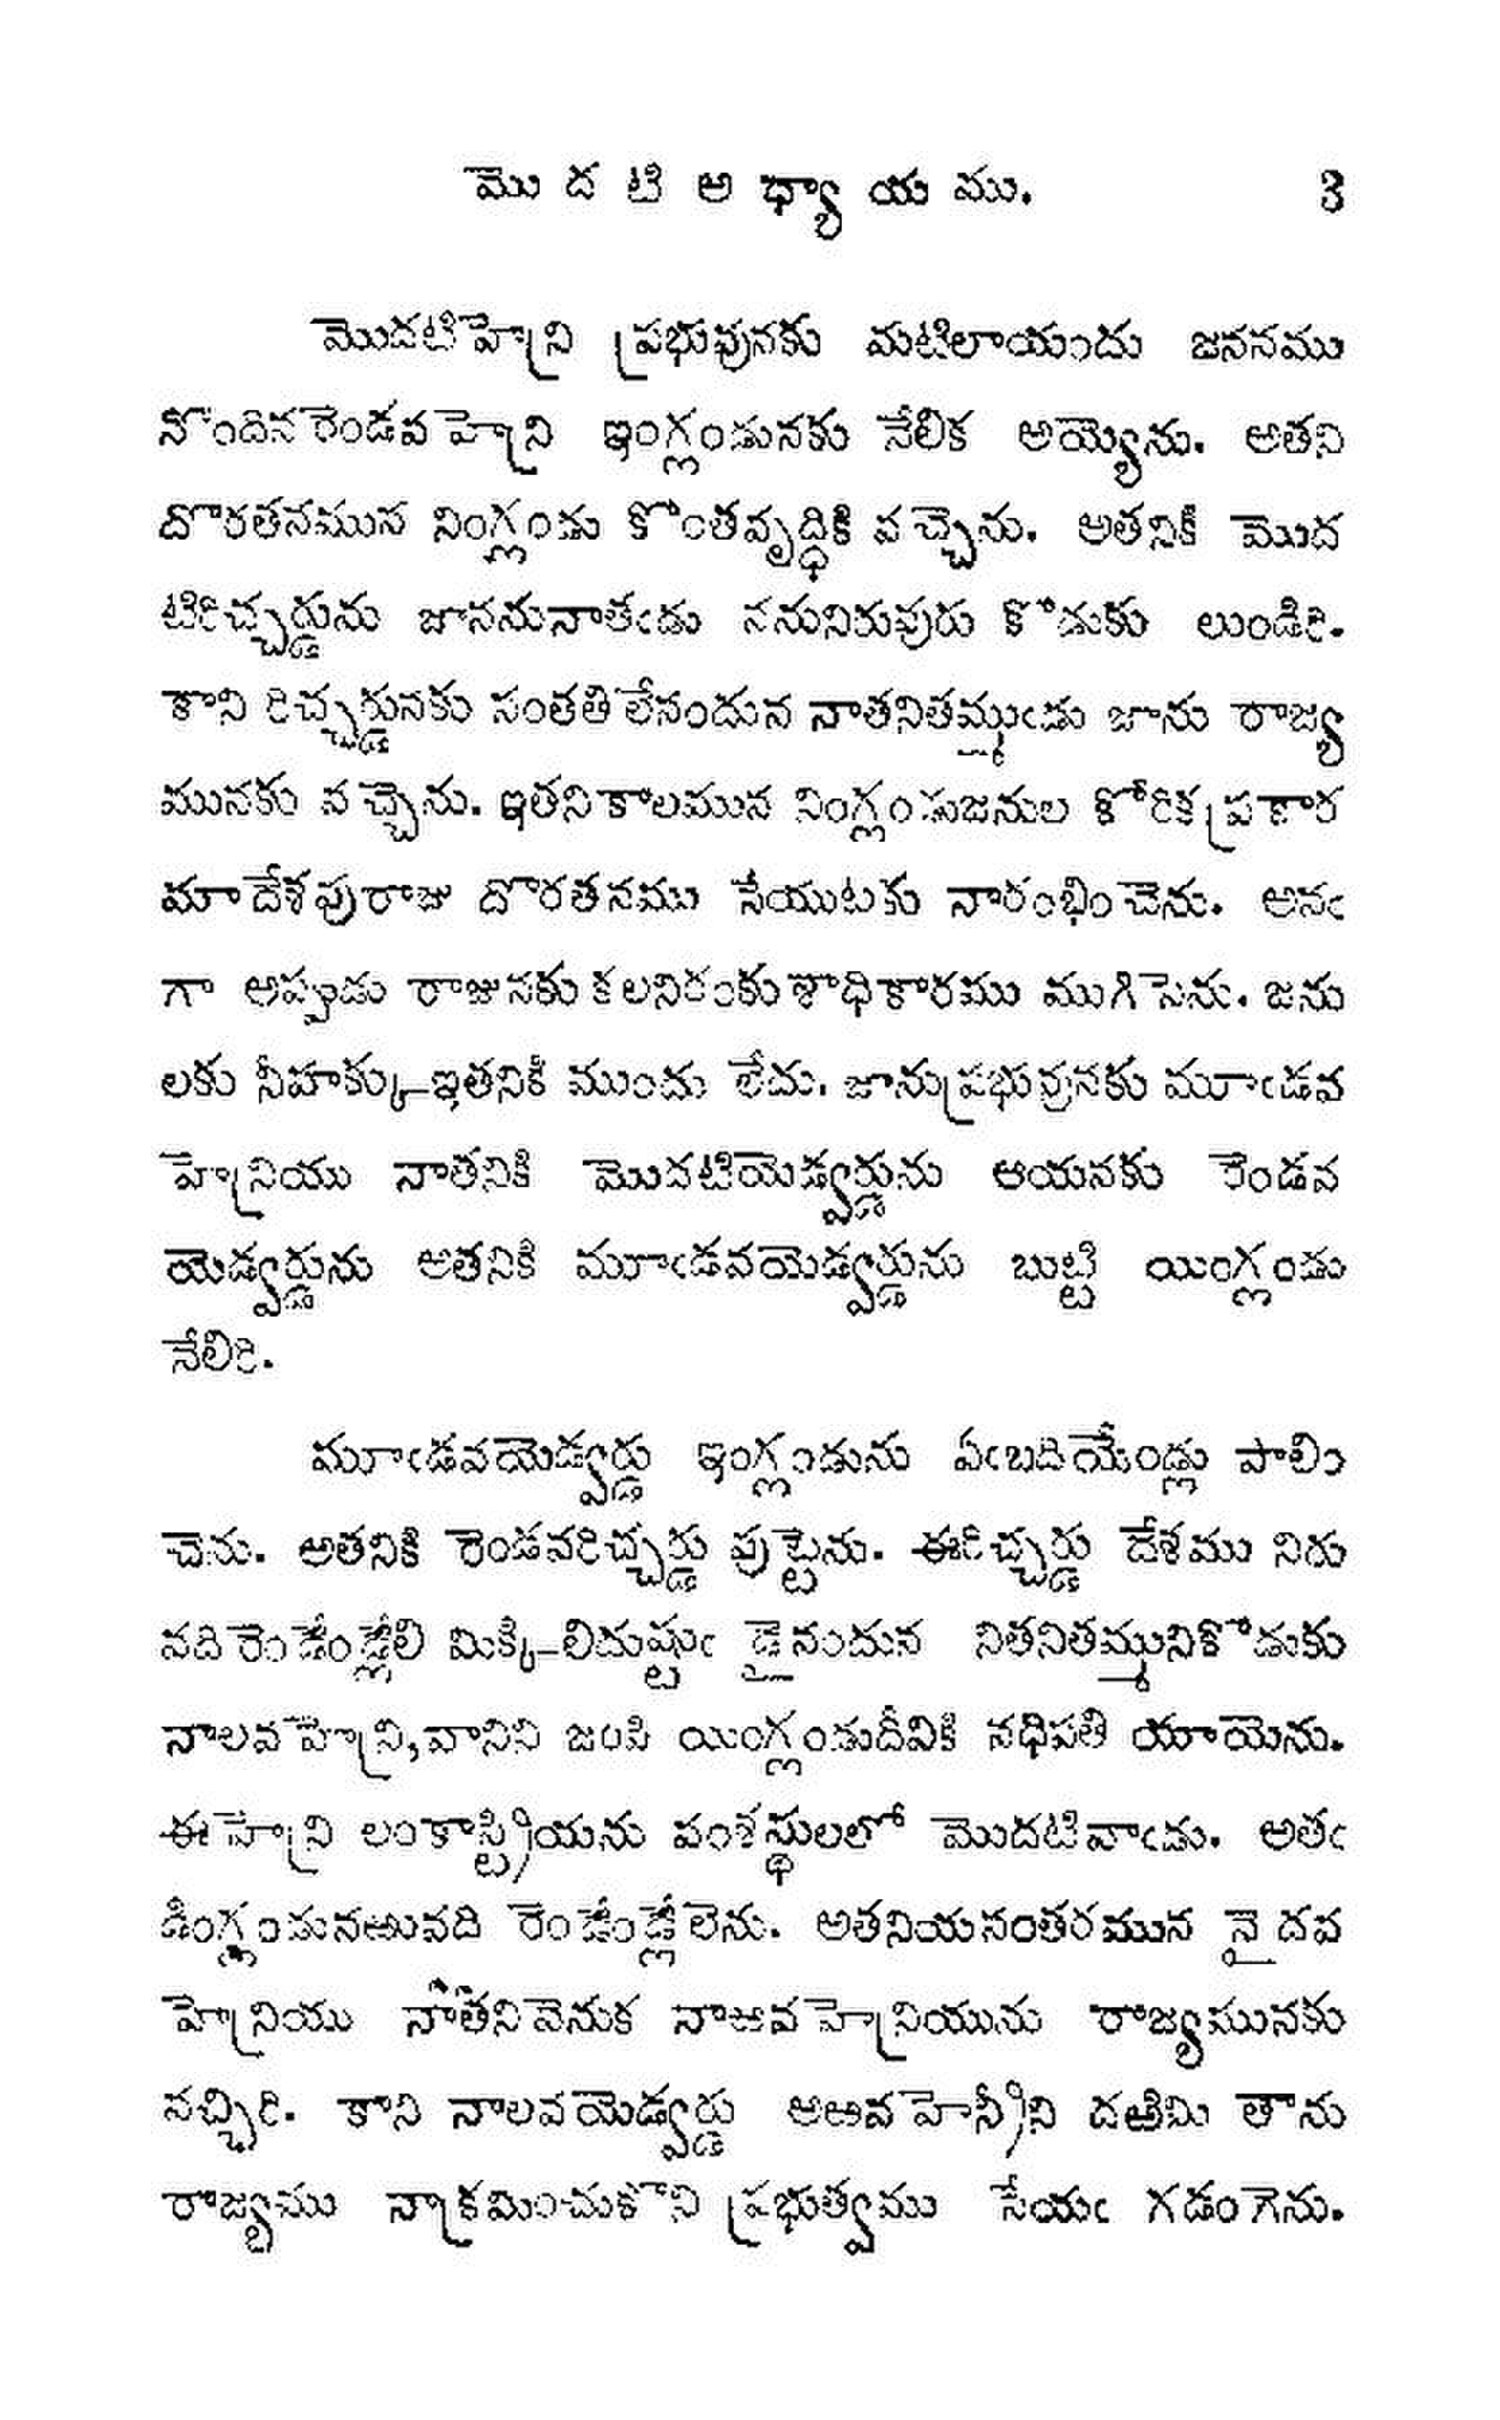మొదటిహెన్రి ప్రభువునకు మటిలాయందు జననము నొందినరెండవహెన్రి ఇంగ్లండునకు నేలిక అయ్యెను. అతని దొరతనమున నింగ్లండు కొంతవృద్ధికి వచ్చెను. అతనికి మొదటిరిచ్చర్డును జాననునాతఁడు ననునిరువురు కొడుకు లుండిరి. కాని రిచ్చర్డునకు సంతతిలేనందున నాతనితమ్ముడు జాను రాజ్యమునకు వచ్చెను. ఇతనికాలమున నింగ్లండుజనుల కోరికప్రకార
మాదేశపురాజు దొరతనము సేయుటకు నారంభించెను. అనఁగా అప్పుడు రాజునకు కలనిరంకుశాధికారము ముగిసెను. జనులకు నీహక్కు ఇతనికి ముందు లేదు. జానుప్రభువునకు మూఁడవ హెన్రియు నాతనికి మొదటియెడ్వర్డును ఆయనకు రెండవ యెడ్వర్డును అతనికి 
మూఁడవయెడ్వర్డును బుట్టి యింగ్లండు నేలిరి.

మూఁడవయెడ్వర్డు ఇంగ్లండును ఏఁబదియేండ్లు పాలించెను. అతనికి రెండవరిచ్చర్డు పుట్టెను. ఈరిచ్చర్డు దేశము నిరువదిరెండేండ్లేలి మిక్కిలిదుష్టుఁడ్రైనందున నితనితమ్మునికొడుకు నాలవహెన్రి, వానిని జంపి యింగ్లండుదీవికి నధిపతి యాయెను. ఈహెన్రి లంకాస్ట్రియను వంశస్థులలో మొదటివాఁడు. అతఁ డింగ్లండునఱువది రెండేండ్లేలెను. అతనియనంతరమున నైదవ హెన్రియు నాతనివెనుక నాఱవహెన్రియును రాజ్యమునకు వచ్చిరి. కాని నాలవయెడ్వర్డు ఆఱవహెన్రీని దఱిమి తాను రాజ్యము నాక్రమించుకొని ప్రభుత్వము సేయఁ గడంగెను.